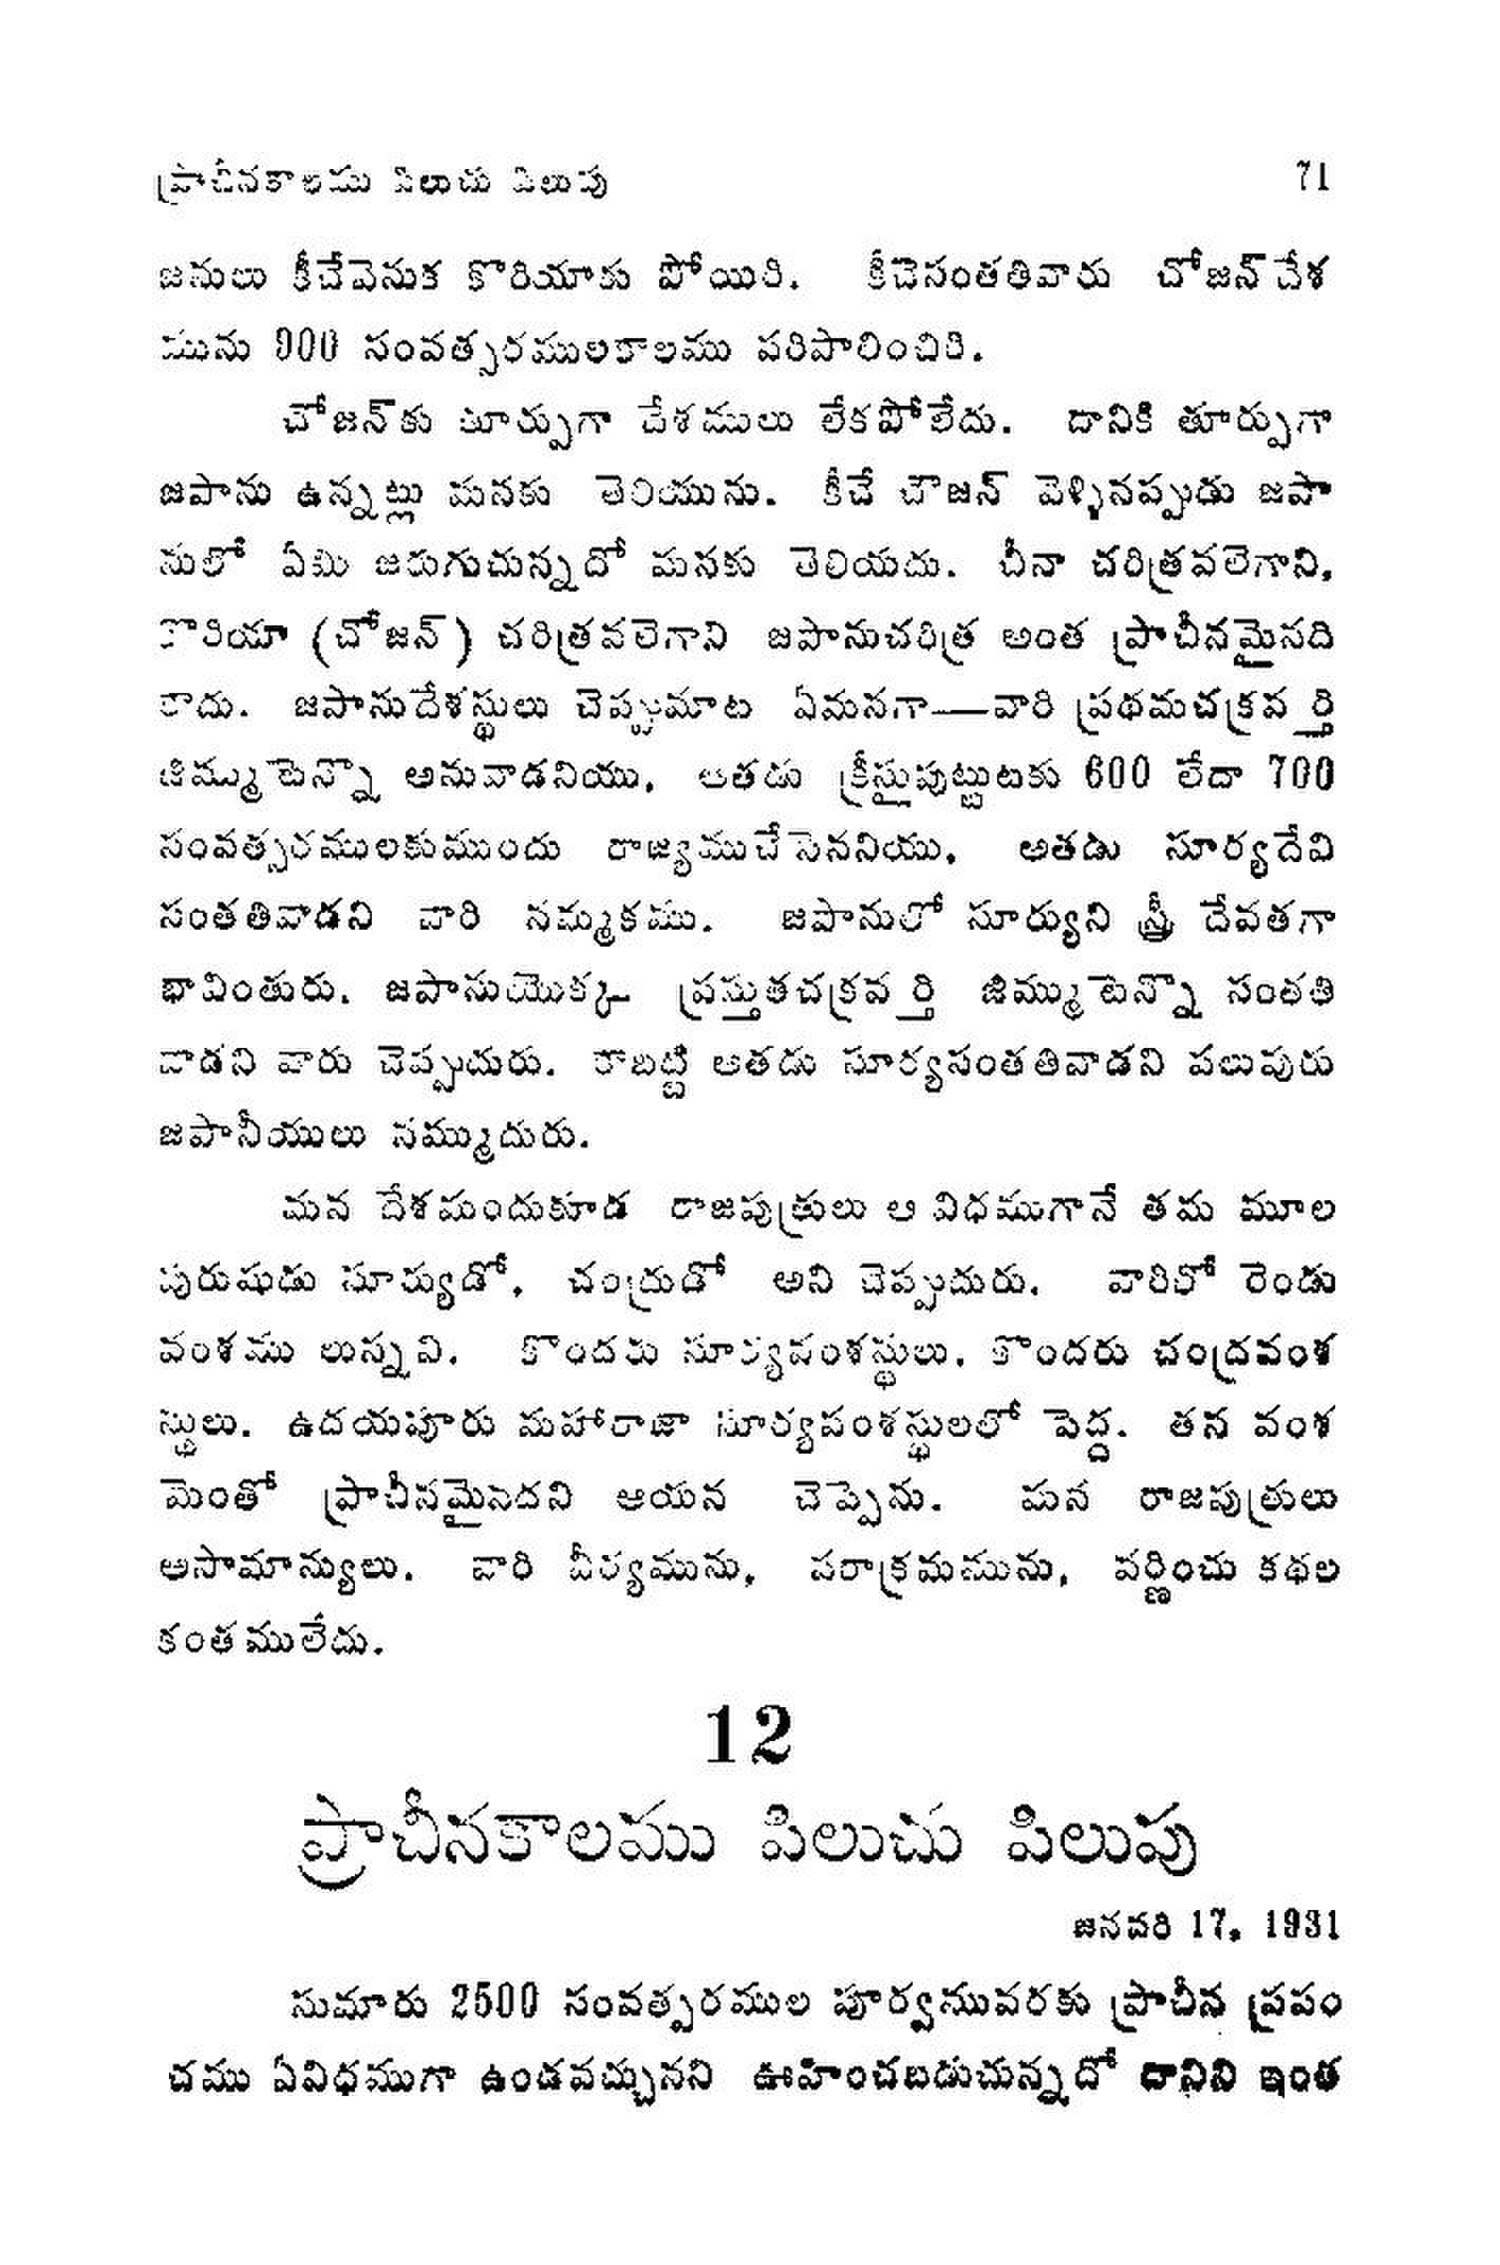జనులు కీచేవెనుక కొరియాకు పోయిరి. కీచెసంతతివారు చోజన్‌దేశమును 900 సంవత్సరములకాలము పరిపాలించిరి.

చోజన్‌కు తూర్పుగా దేశములు లేకపోలేదు. దానికి తూర్పుగా జపాను ఉన్నట్లు మనకు తెలియును. కీచే చౌజన్ వెళ్ళినప్పుడు జపా నులో ఏమి జరుగుచున్నదో మనకు తెలియదు. చీనా చరిత్రవలెగాని, కొరియా (చోజన్) చరిత్ర వలెగాని జపానుచరిత్ర అంత ప్రాచీనమైనది కాదు. జసాను దేశస్థులు చెప్పుమాట ఏమనగా-వారి ప్రథమచక్రవర్తి జిమ్ముటెన్నొ అనువాడనియు, అతడు క్రీస్తు పుట్టుటకు 600 లేదా 700 సంవత్సరములకు ముందు రాజ్యము చేసెననియు, అతడు సూర్యదేవి సంతతివాడని వారి నమ్మకము. జపానులో సూర్యుని స్త్రీ దేవతగా భావింతురు. జపానుయొక్క ప్రస్తుతచక్రవర్తి జిమ్ముటెన్నొ సంతతి వాడని వారు చెప్పుదురు. కాబట్టి అతడు సూర్యసంతతివాడని పలువురు జపానీయులు నమ్ముదురు.

మన దేశమందుకూడ రాజపుత్రులు ఆ విధముగానే తమ మూల పురుషుడు సూర్యుడో, చంద్రుడో అని చెప్పుదురు. వారిలో రెండు వంశము లున్నవి. కొందరు సూర్యవంశస్థులు, కొందరు చంద్రవంశస్థులు. ఉదయపూరు మహారాజా సూర్యవంశస్థులలో పెద్ద. తన వంశమెంతో ప్రాచీనమైనదని ఆయన చెప్పెను. మన రాజపుత్రులు అసామాన్యులు. వారి వీర్యమును, పరాక్రమమును, వర్ణించు కథల కంతములేదు.

12
ప్రాచీనకాలము పిలుచు పిలుపు

సుమారు 2500 సంవత్సరముల పూర్వమువరకు ప్రాచీన ప్రపంచము ఏవిధముగా ఉండవచ్చునని ఊహించబడుచున్నదో దానిని ఇంత